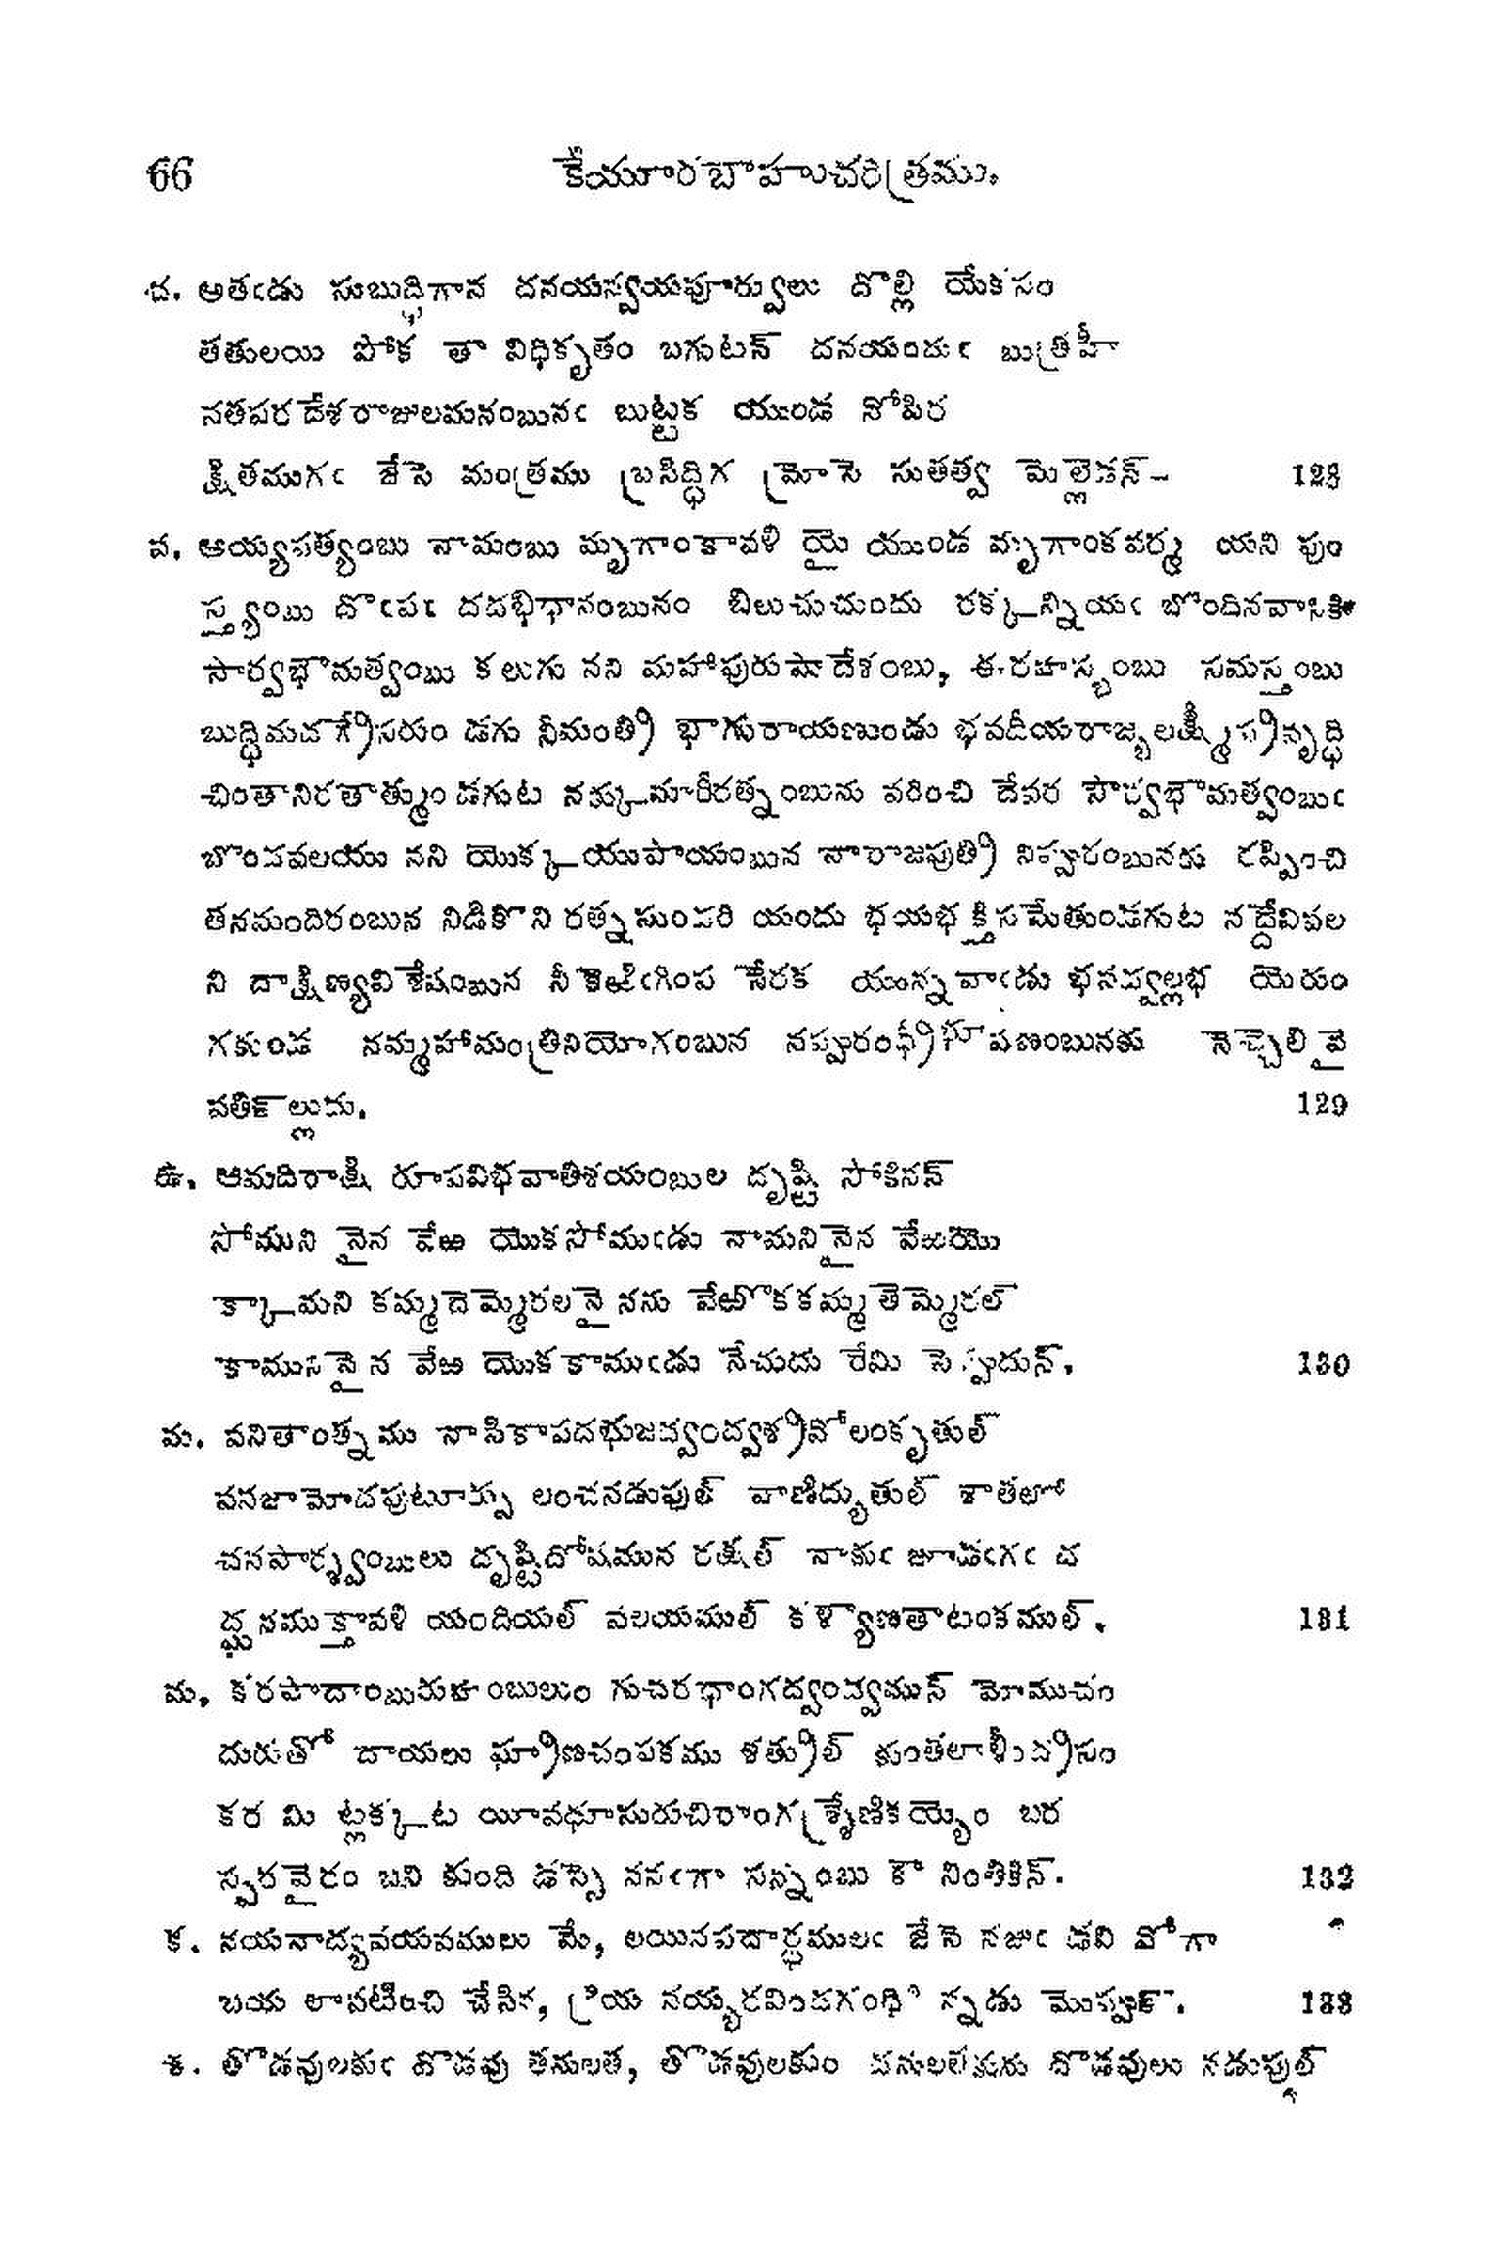చ. అతఁడు సుబుద్ధి గాన దనయన్వయపూర్వులు దొల్లి యేకసం
 తతులయి పోక తా విధికృతం బగుటన్ దనయందుఁ బుత్రహీ
 నత పరదేశరాజులమనంబునఁ బుట్టకయుండనోపి ర
 క్షితముగఁ జేసె మంత్రము బ్రసిద్ధిగ మ్రోసె సుతత్వ మెల్లెడన్.
వ. ఆయ్యపత్యంబు నామంబు మృగాంకావళి యై యుండ మృగాంకవర్మ యని పుం
 స్త్యంబు దోఁపఁ దదభిధానంబునం బిలుచుచుందు రక్కన్నియఁ బొందినవానికి
 సార్వభౌమత్వంబు కలుగు నని మహాపురుషాదేశంబు, ఈ రహస్యంబు సమస్తంబు
 బుద్ధిమదగ్రేసరుం డగు నీమంత్రి భాగురాయణుండు భవదీయరాజ్యలక్ష్మీసమృద్ధి
 చింతానిరతాత్ముం డగుట నక్కుమారీరత్నంబును వరించి దేవరసౌర్వభౌమత్వంబుఁ
 బొందవలయు నని యొక్కయుపాయంబున నా రాజపుత్రి నిప్పురంబునకు రప్పించి
 తనమందిరంబున నిడికొని రత్నసుందరియందు భయభక్తిసమేతుండగుట నద్దేవివల
 ని దాక్షిణ్యవిశేషంబున నీ కెఱిఁగింపనేరకయున్నవాఁడు భవద్వల్లభ యెరుం
 గకుండ నమ్మహామంత్రినియోగంబున నప్పురంధ్రీభూషణంబునకు నెచ్చెలివై
 వర్తిల్లుదు.
ఉ. ఆమదిరాక్షి రూపవిభవాతిశయంబుల దృష్టి సోకినన్
 సోముని నైన వేఱ యొకసోముఁడు నామనినైన వేఱ యొ
 క్కామని కమ్మదెమ్మెరలనైనను వేఱొకకమ్మతెమ్మెఱల్
 కామునినైన వేఱ యొకకాముఁడు నేచుదు రేమి సెప్పుదున్.
మ. వనితారత్నము నాసికాపదభుజద్వంద్వశ్రవోలంకృతుల్
 వనజామోదపుటూర్పు లంచనడుపుల్ వాణిద్యుతుల్ శాతలో
 చనపార్శ్వంబులు దృష్టిదోషమున రక్షల్ నాకుఁ జూడఁగఁ ద
 ద్ఘనముక్తావళి యందియల్ వలయముల్ కళ్యాణతాటంకముల్.
మ. కరపాదాంబురుహంబులుం గుచరథాంగద్వంద్వమున్ మోముచం
 దురుతో దాయలు ఘ్రాణచంపకము శత్రుల్ కుంతలాళీంద్రసం
 కర మి ట్లక్కట యీవధూసురుచిరాంగశ్శ్రేణి కయ్యెం బర
 స్పరవైరం బని కుంది డస్సె ననఁగా సన్నంబు కౌ నింతికిన్.
క. నయనాద్యవయవములు మే, లయినపదార్ధములఁ జేసె నజుఁ డవి వోగా
 బయ లావటించి చేసిన, క్రియ నయ్యరవిందగంధినె న్నడు మొప్పున్.
క. తొడవులకుఁ దొడవు తనులత, తొడవులకుం దనులతకును దొడవులు నడుపుల్